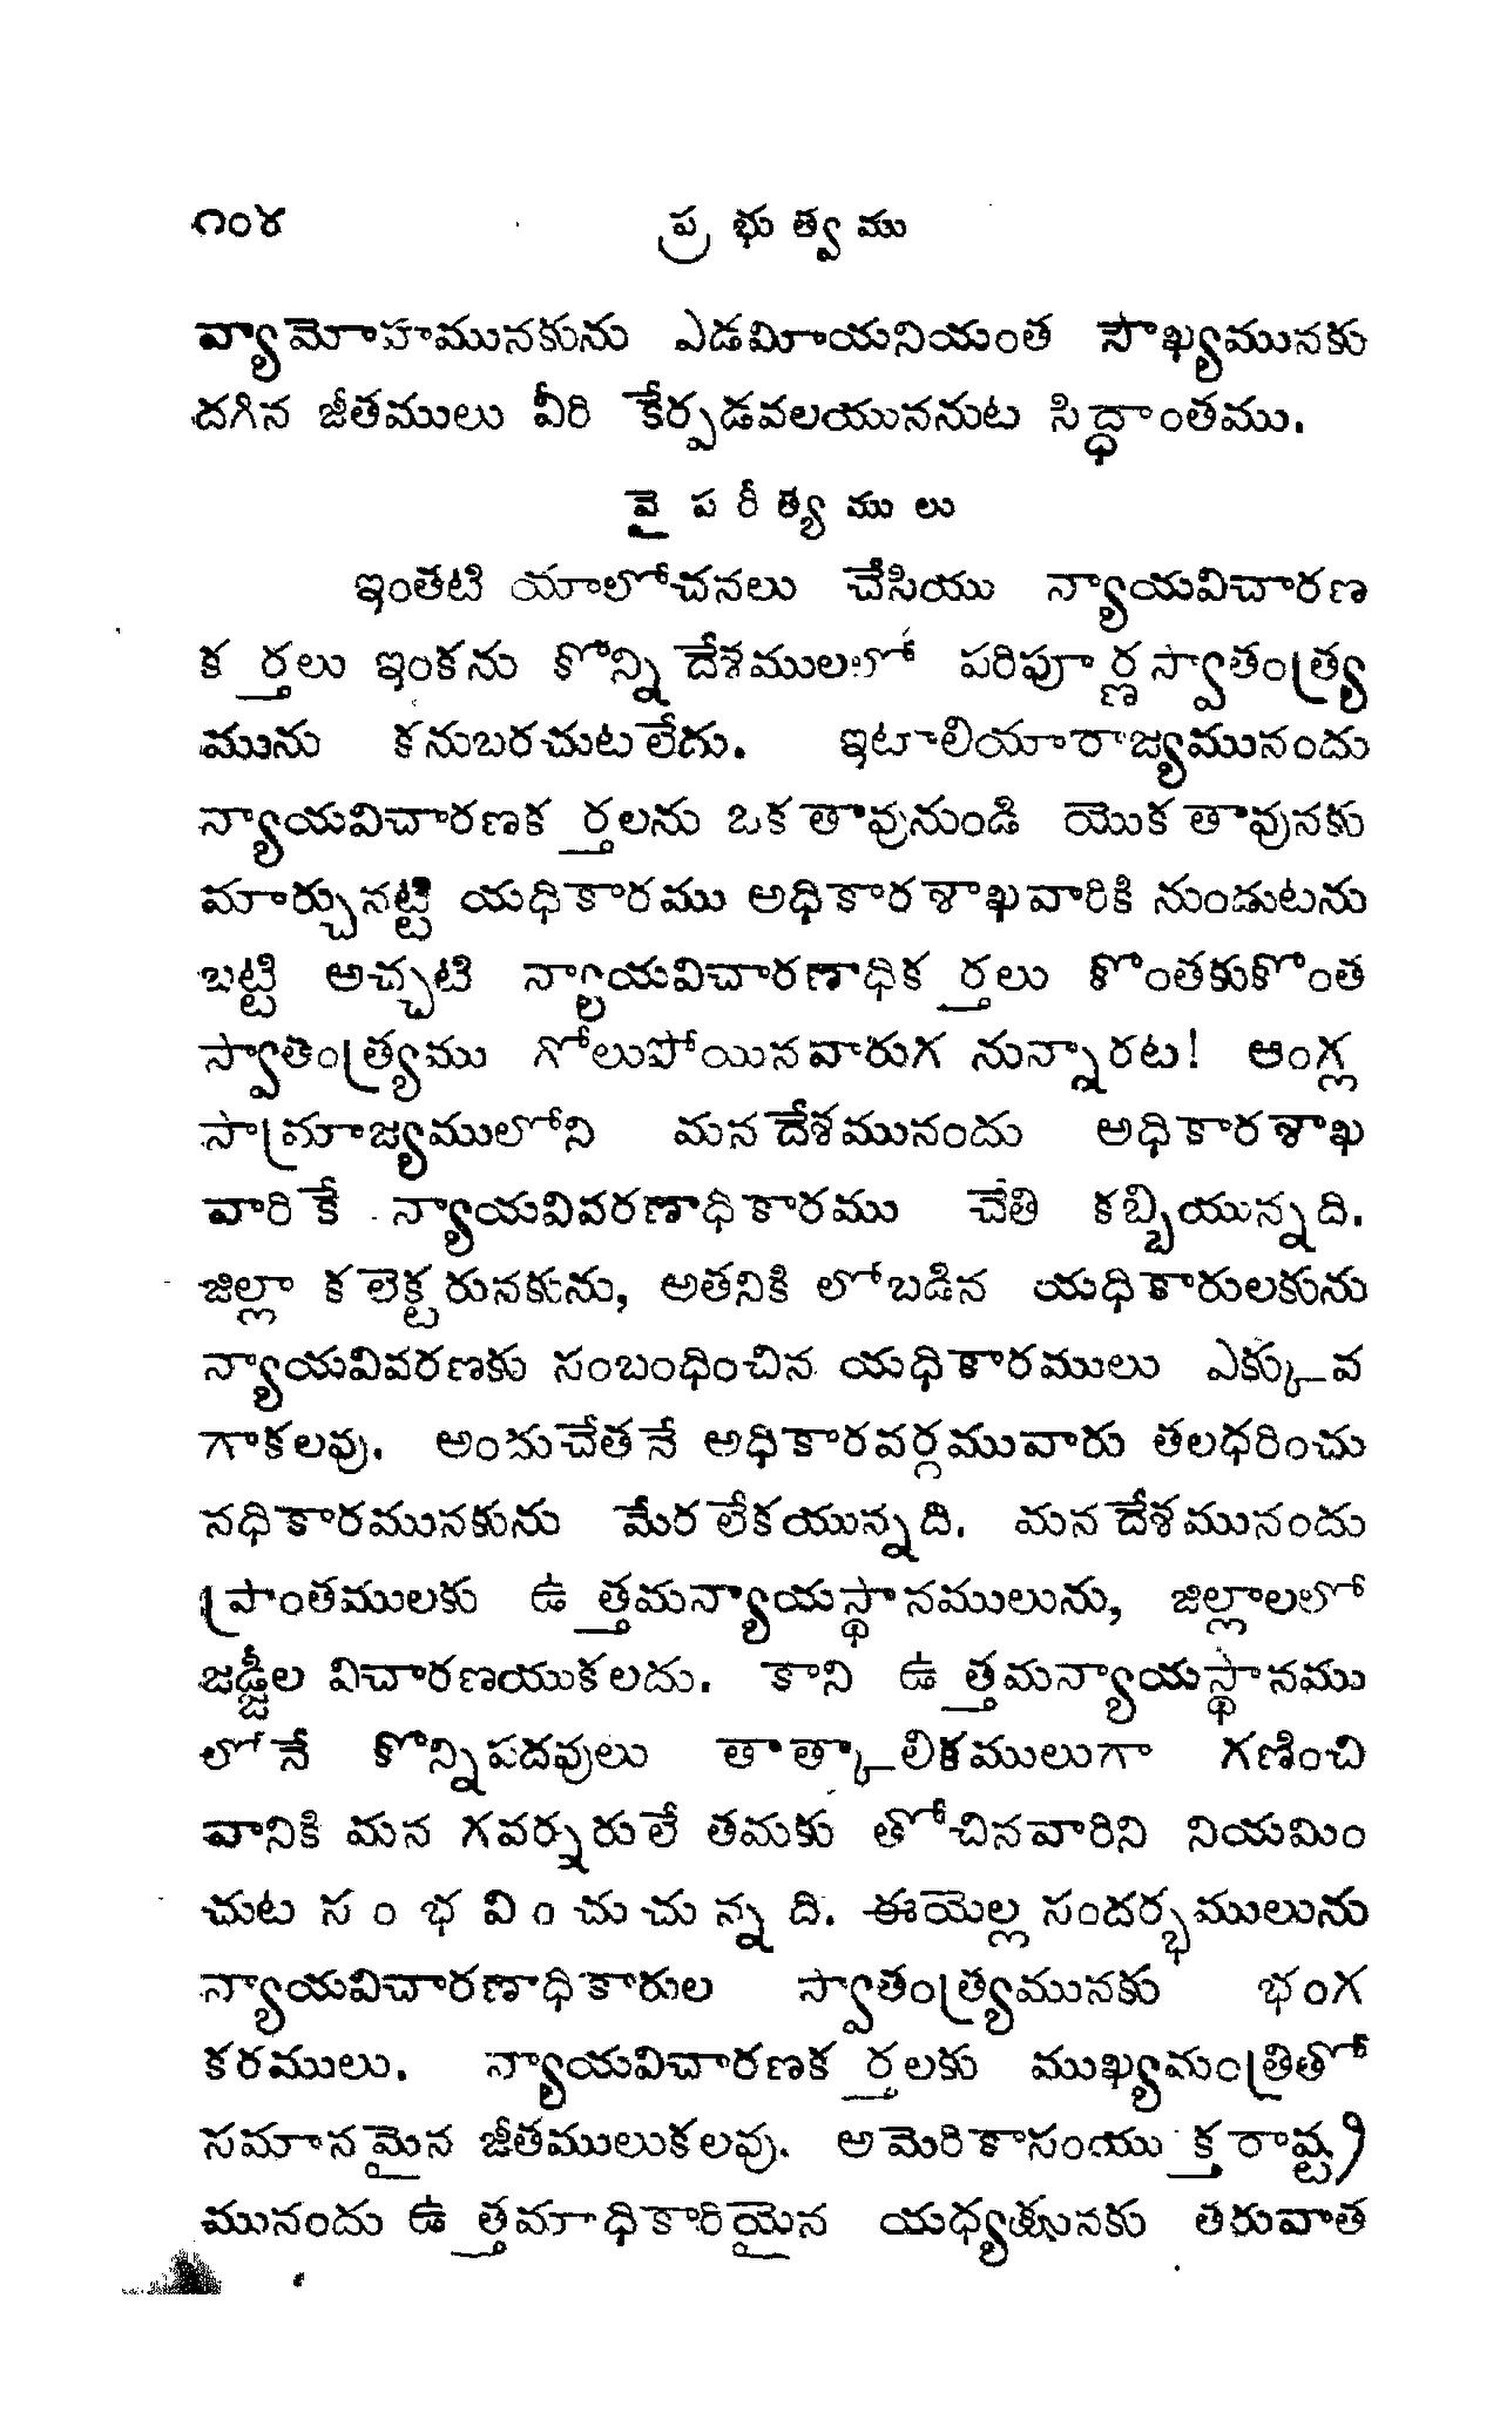వ్యామోహమునకును ఎడమీయనియంత సౌఖ్యమునకు దగిన జీతములు వీరి కేర్పడవలయుననుట సిద్ధాంతము.

ఇంతటి యాలోచనలు చేసియు న్యాయవిచారణకర్తలు ఇంకను కొన్నిదేశములలో పరిపూర్ణస్వాతంత్ర్య
మును కనుబరచుటలేదు. ఇటాలియారాజ్యమునందు న్యాయవిచారణకర్తలను ఒక తావునుండి యొకతావునకు మార్చునట్టి యధికారము అధికారశాఖవారికి నుండుటను బట్టి అచ్చటి న్యాయవిచారణాధికర్తలు కొంతకుకొంత స్వాతంత్ర్యము గోలుపోయినవారుగ నున్నారట! ఆంగ్ల
సామ్రాజ్యములోని మనదేశమునందు అధికారశాఖవారికే న్యాయవివరణాధికారము చేతి కబ్బియున్నది. జిల్లా కలెక్టరునకును, అతనికి లోబడిన యధికారులకును న్యాయవివరణకు సంబంధించిన యధికారములు ఎక్కువగాకలవు. అందుచేతనే అధికారవర్గమువారు తలధరించు
నధికారమునకును మేరలేకయున్నది. మనదేశమునందు ప్రాంతములకు ఉత్తమన్యాయస్థానములు ను, జిల్లాలలో జడ్జీల విచారణయుకలదు. కాని ఉత్తమన్యాయస్థానములోనే కొన్నిపదవులు తాత్కాలికములుగా గణించి వానికి మన గవర్నరులే తమకు తోచినవారిని నియమించుట సంభవించుచున్నది. ఈయెల్ల సందర్భములును న్యాయవిచారణాధికారుల స్వాతంత్ర్యమునకు భంగ
కరములు. న్యాయవిచారణకర్తలకు ముఖ్యమంత్రితో సమానమైన జీతములుకలవు. అమెరికా సంయుక్తరాష్ట్రమునందు ఉత్తమాధికారియైన యధ్యక్షునకు తరువాత